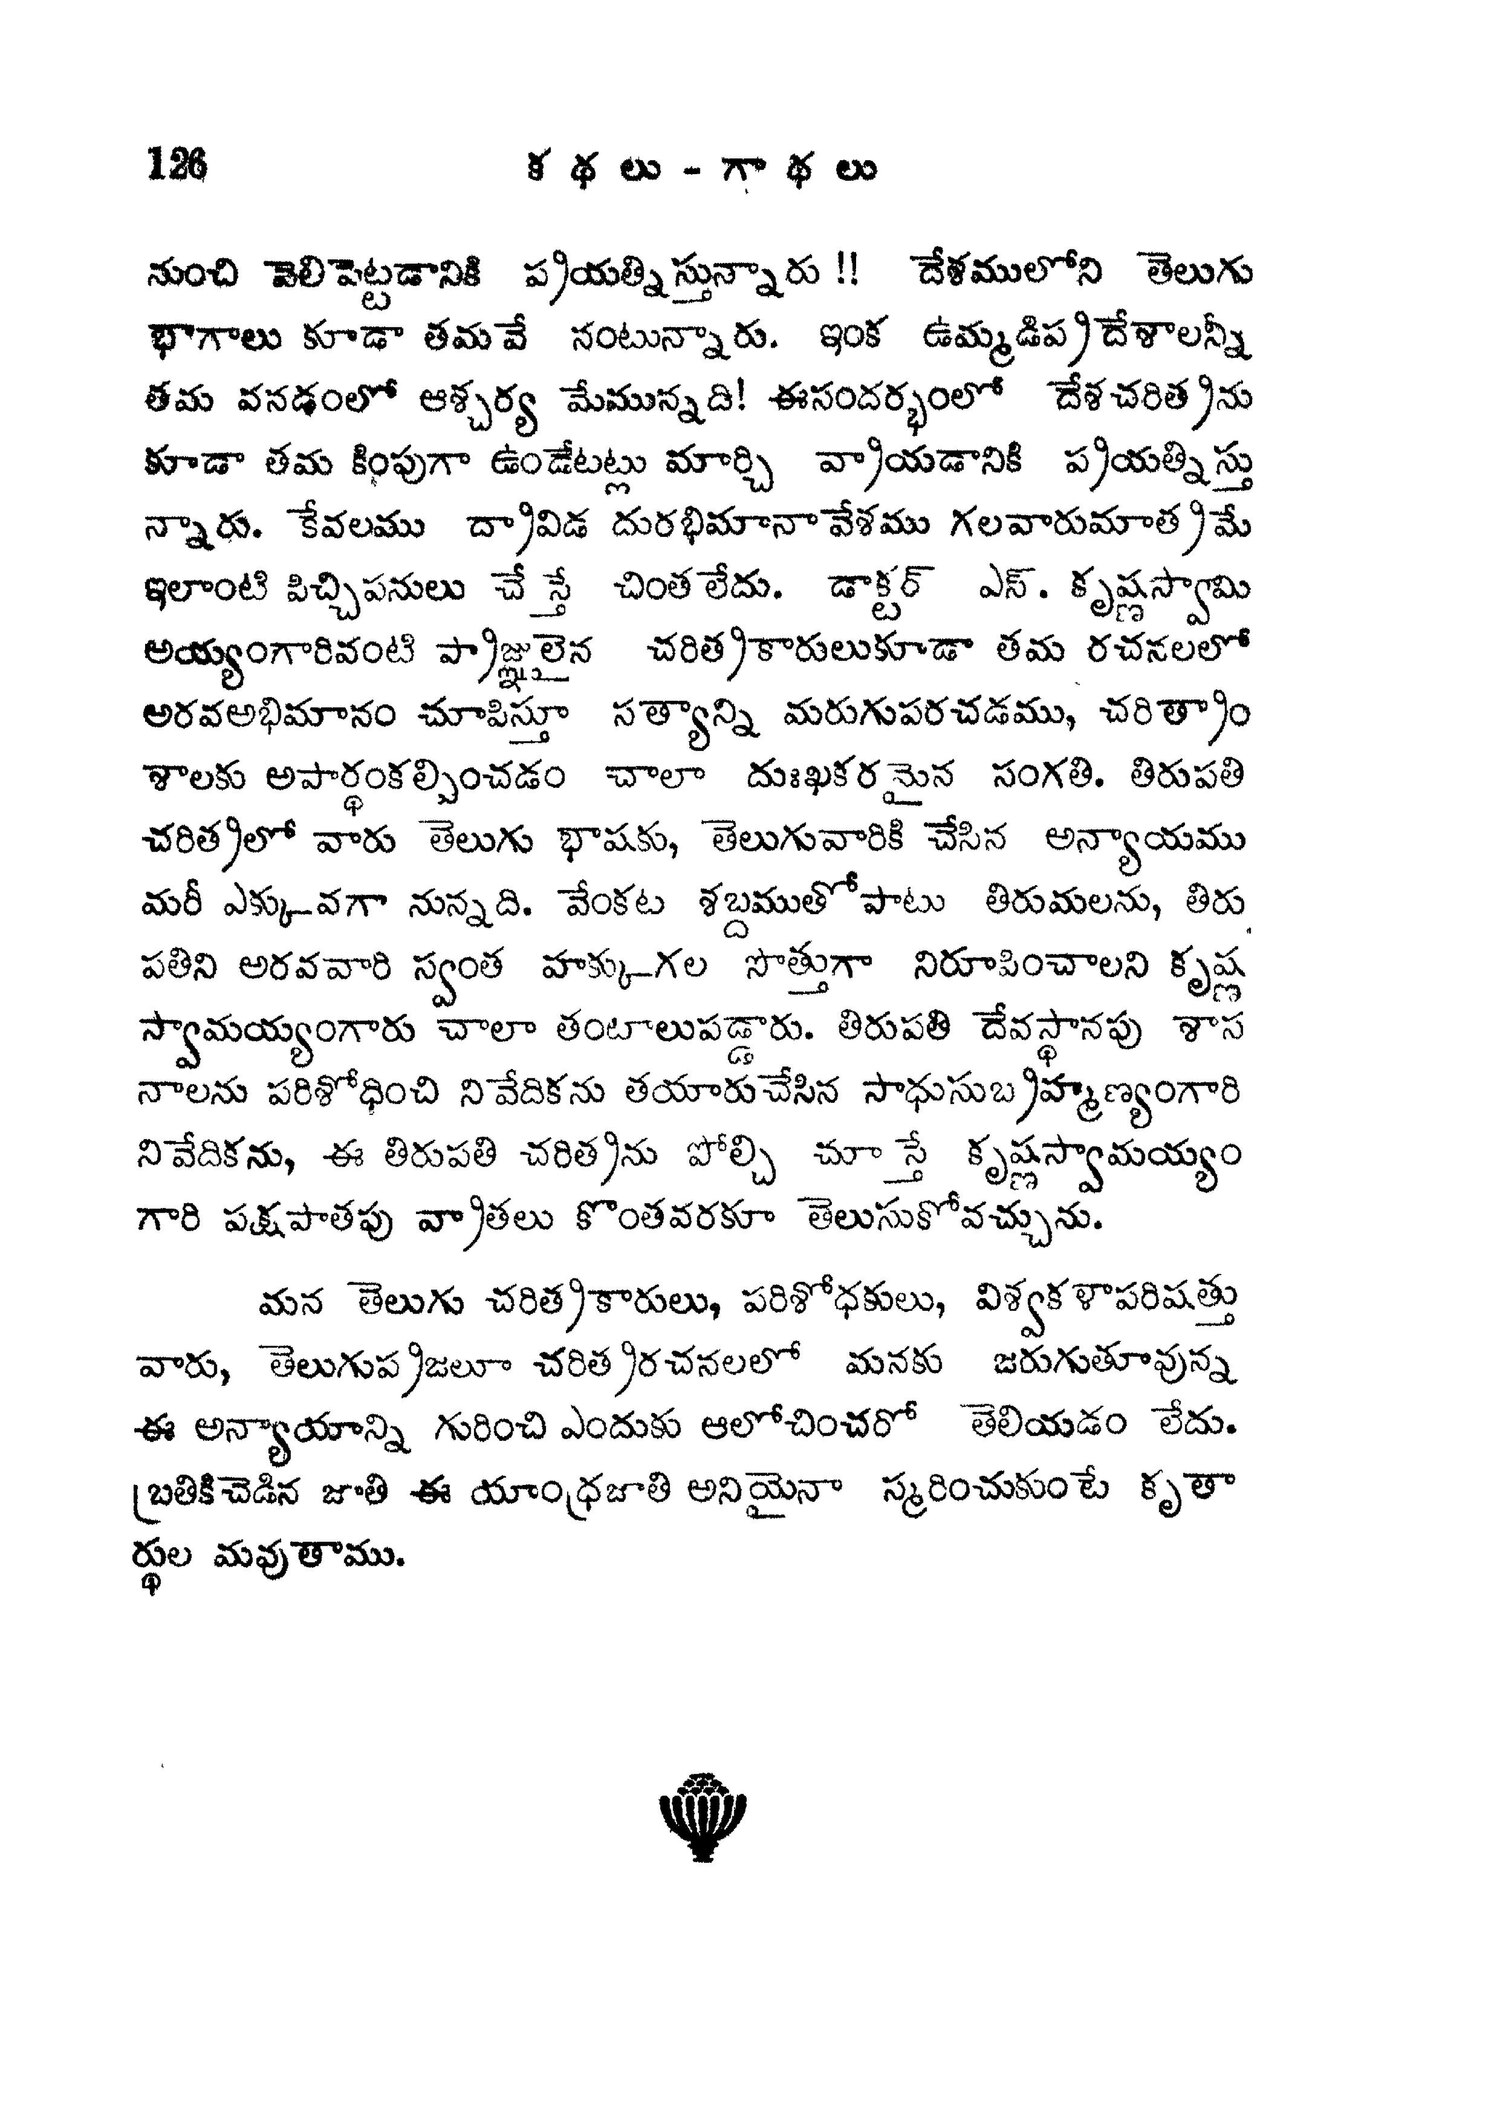నుంచి వెలిపెట్టడానికి ప్రయత్నిస్తున్నారు! దేశములోని తెలుగు భాగాలు కూడా తమవే నంటున్నారు. ఇంక ఉమ్మడిప్రదేశాలన్నీ తమ వనడంలో ఆశ్చర్య మేమున్నది! ఈ సందర్భంలో దేశచరిత్రను కూడా తమ కింపుగా ఉండేటట్లు మార్చి వ్రాయడానికి ప్రయత్నిస్తున్నారు. కేవలము ద్రావిడ దురభిమానావేశము గలవారుమాత్రమే ఇలాంటి పిచ్చిపనులు చేస్తే చింతలేదు. డాక్టర్ ఎస్. కృష్ణస్వామి అయ్యంగారివంటి ప్రాజ్ఞులైన చరిత్రకారులుకూడా తమ రచనలలో అరవభిమానం చూపిస్తూ సత్యాన్ని మరుగునపరచడము, చరిత్రాంశాలకు అపార్ధంకల్పించడం చాలా దు:ఖకరమైన సంగతి. తిరుపతి చరిత్రలో వారు తెలుగు భాషకు, తెలుగువారికి చేసిన అన్యాయము మరీ ఎక్కువగా నున్నది. వేంకట శబ్ధముతోపాటు తిరుమలను, తిరుపతిని అరవవారి స్వంత హక్కుగల సొత్తుగా నిరూపించాలని కృష్ణస్వామయ్యంగారు చాలా తంటాలుపడ్డారు. తిరుపతి దేవస్థానపు శాసనాలను పరిశోధించి నివేదికను తయారుచేసిన సాధు సుబ్రహ్మణ్యంగారి నివేదికను, ఈ తిరుపతి చరిత్రను పోల్చి చూస్తే కృష్ణస్వామయ్యంగారి పక్షపాతపు వ్రాతలు కొంతవరకూ తెలుసుకోవచ్చును.

మన తెలుగు చరిత్రకారులు, పరిశోధకులు, విశ్వకళాపరిషత్తు వారు, తెలుగుప్రజలూ చరిత్రరచనలలో మనకు జరుగుతూవున్న ఈ అన్యాయాన్ని గురించి ఎందుకు ఆలోచించరో తెలియడం లేదు. బ్రతికిచెడిన జాతి ఈ యాంధ్రజాతి అనియైనా స్మరించుకుంటే కృతార్దులం మవుతాము.